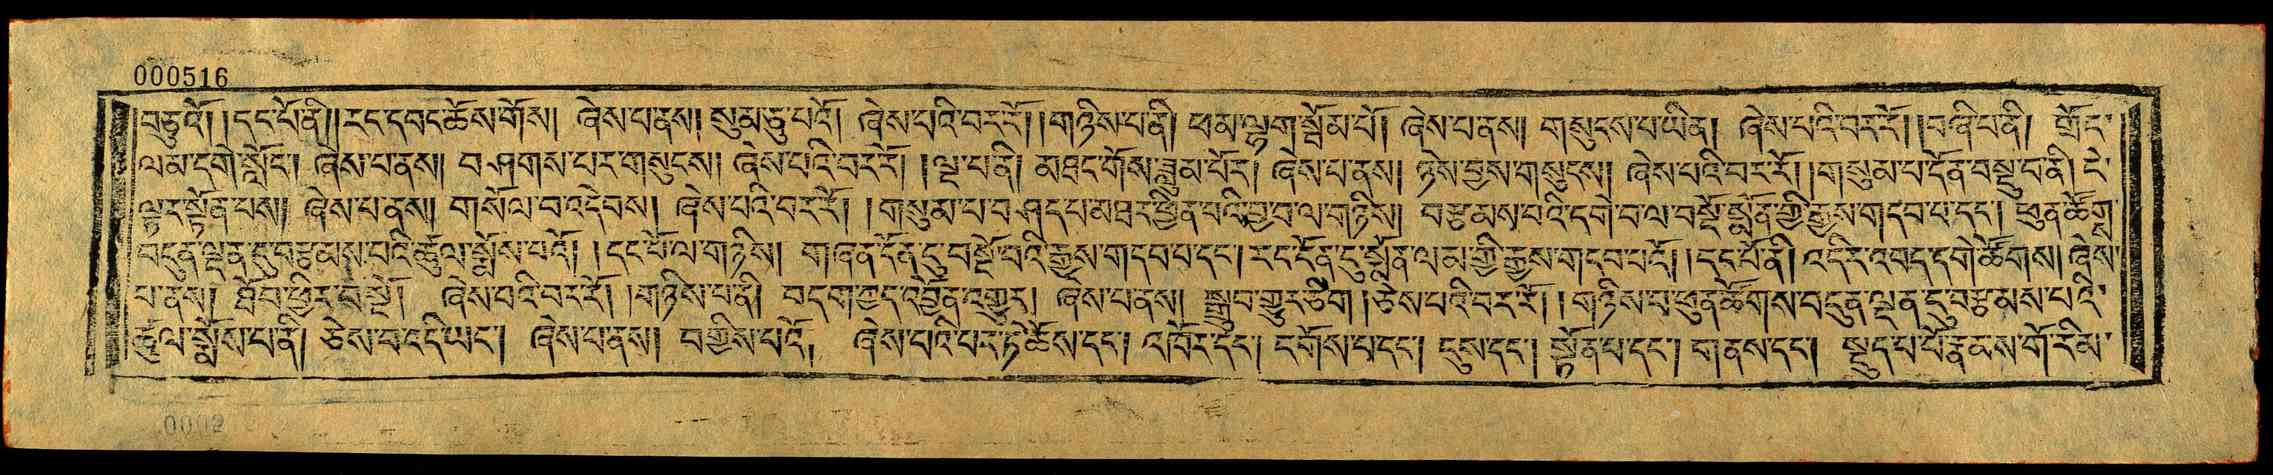བཅུའོ། །དང་པོ་ནི། །རང་དབང་ཆོས་གོས། ཞེས་པ་ནས། སུམ་ཅུ་པའོ། ཞེས་པའི་བར་རོ། །གཉིས་པ་ནི། ཕམ་ལྷག་སྦོམ་པོ། ཞེས་པ་ནས། གསུངས་པ་ཡིན། ཞེས་པའི་བར་རོ། །བཞི་པ་ནི། གྲོང་
ལམ་དགེ་སློང་། ཞེས་པ་ནས། བཤགས་པར་གསུངས། ཞེས་པའི་བར་རོ། །ལྔ་པ་ནི། མཐང་གོས་ཟླུམ་པོར། ཞེས་པ་ནས། ཉེས་བྱས་གསུངས། ཞེས་པའི་བར་རོ། །གསུམ་པ་དོན་བསྡུ་བ་ནི། དེ་
ལྟར་སྟོན་པས། ཞེས་པ་ནས། གསོལ་བ་འདེབས། ཞེས་པའི་བར་རོ། །གསུམ་པ་བཤད་པ་མཐར་ཕྱིན་པའི་བྱ་བ་ལ་གཉིས། བརྩམས་པའི་དགེ་བ་ལ་བསྔོ་སྨོན་གྱི་རྒྱས་གདབ་པ་དང་། ཕུན་ཚོགས་
བདུན་ལྡན་དུ་བརྩམས་པའི་ཚུལ་སྨོས་པའོ། །དང་པོ་ལ་གཉིས། གཞན་དོན་དུ་བསྔོ་བའི་རྒྱས་གདབ་པ་དང་། རང་དོན་དུ་སྨོན་ལམ་གྱི་རྒྱས་གདབ་པའོ། །དང་པོ་ནི། འདིར་འབད་དགེ་ཚོགས། ཞེས་
པ་ནས། ཐོབ་ཕྱིར་བསྔོ། ཞེས་པའི་བར་རོ། །གཉིས་པ་ནི། བདག་ཀྱང་འབྱོན་འགྱུར། ཞེས་པ་ནས། སྒྲུབ་གྱུར་ཅིག །ཅེས་པའི་བར་རོ། །གཉིས་པ་ཕུན་ཚོགས་བདུན་ལྡན་དུ་བརྩམས་པའི་
ཚུལ་སྨོས་པ་ནི། ཅེས་པ་འདི་ཡང་། ཞེས་པ་ནས། བགྱིས་པའོ། ཞེས་པའི་བར་ཏེ་ཆོས་དང་། འཁོར་དང་། དགོས་པ་དང་། དུས་དང་། སྟོན་པ་དང་། གནས་དང་། སྡུད་པ་པོ་རྣམས་གོ་རིམ་